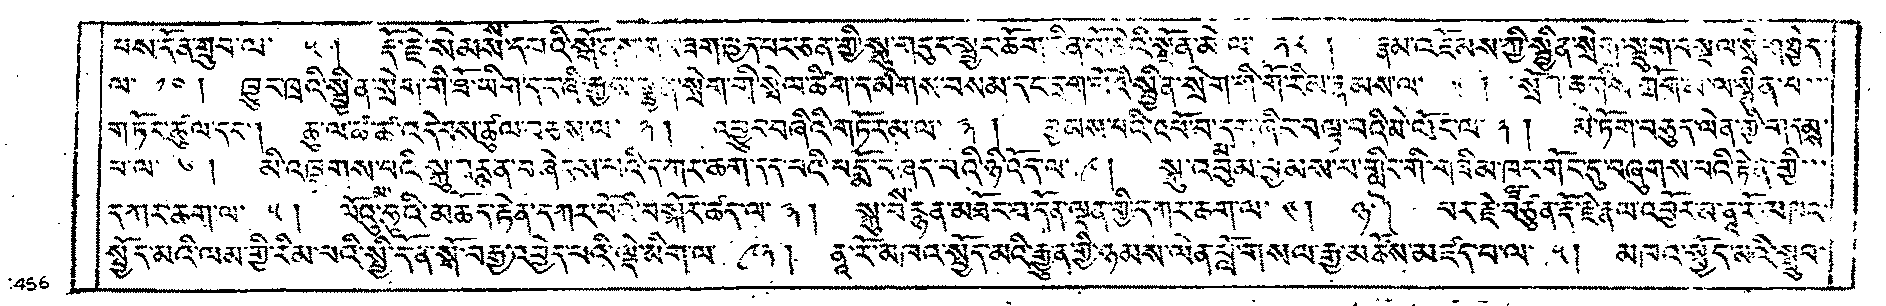པས་དོན་གྲུབ་ལ ༥། རྡོ་རྗེ་སེམས་ས་དཔའི་སྒོ་ནས་གང་ཟག་ཁྱད་པར་ཅན་གྱི་སྐུ་གདུང་སྦྱང་ཆོག་རིན་པོ་ཆེའི་སྒྲོན་མེ་ལ ༢༨། རྣམ་འཇོམས་ཀྱི་སྦྱིན་སྲེག་སྡུག་བསྔལ་སྲེག་བྱེད་
ལ ༡༠། ཁྱུང་ཁྲིའི་སྦྱིན་སྲེག་གི་ཐོ་ཡིག་དང་ཞི་རྒྱས་སྦྱིན་སྲེག་གི་སྤེལ་ཚིག་དམིགས་བསམ་དང་དྲག་པོའི་སྦྱིན་སྲེག་གི་གོ་རིམ་རྣམས་ལ ༤། སྲོག་ཆགས་མ་གྲོག་མ་ལ་སྦྱིན་པ་
གཏོང་ཚུལ་དང་། ཆུ་ལ་ཚ་ཚ་འདེབས་ཚུལ་བཅས་ལ ༢། འབྱུང་བཞིའི་གཏོར་མ་ལ ༣། བྱམས་པའི་འཕོ་བ་དག་ཞིང་བལྟ་བའི་མེ་ལོང་ལ ༢། མེ་ཏོག་བཅུད་ལེན་གྱི་གདམས་
པ་ལ ༦། མི་འཁྲུགས་པའི་སྐུ་བརྙན་བཞེངས་པའི་དཀར་ཆག་དད་པའི་པདམོ་བཞད་པའི་ཉི་འོད་ལ ༩། སྐུ་འབུམ་མ་བྱམས་པ་གླིང་གི་གཟིམ་ཁང་གོང་དུ་བཞུགས་པའི་རྟེན་གྱི་
དཀར་ཆག་ལ ༥། ལོའུ་མ་ཧུའི་མཆོད་རྟེན་དཀར་པོའི་བསྐོར་ཚད་ལ ༣། སྐུ་ས་བརྙན་མཐོང་བ་དོན་ལྡན་གྱི་དཀར་ཆག་ལ ༤། ཉ྄་པར་རྗེ་ཝ་བཙུན་རྡོ་རྗེ་རྣལ་འབྱོར་མ་ནཱ་རོ་མཁའ་
སྤྱོད་མའི་ལམ་གྱི་རིམ་པའི་སྤྱི་དོན་སྒོ་བརྒྱ་འབྱེད་པའི་ལྡེ་མིག་ལ ༩༢། ནཱ་རོ་མཁའ་སྤྱོད་མའི་རྒྱུན་གྱི་ཉམས་ལེན་བློ་གསལ་རྒྱ་མཚོས་མཛད་པ་ལ ༥། མཁའ་སྤྱོད་མའི་སྒྲུབ་